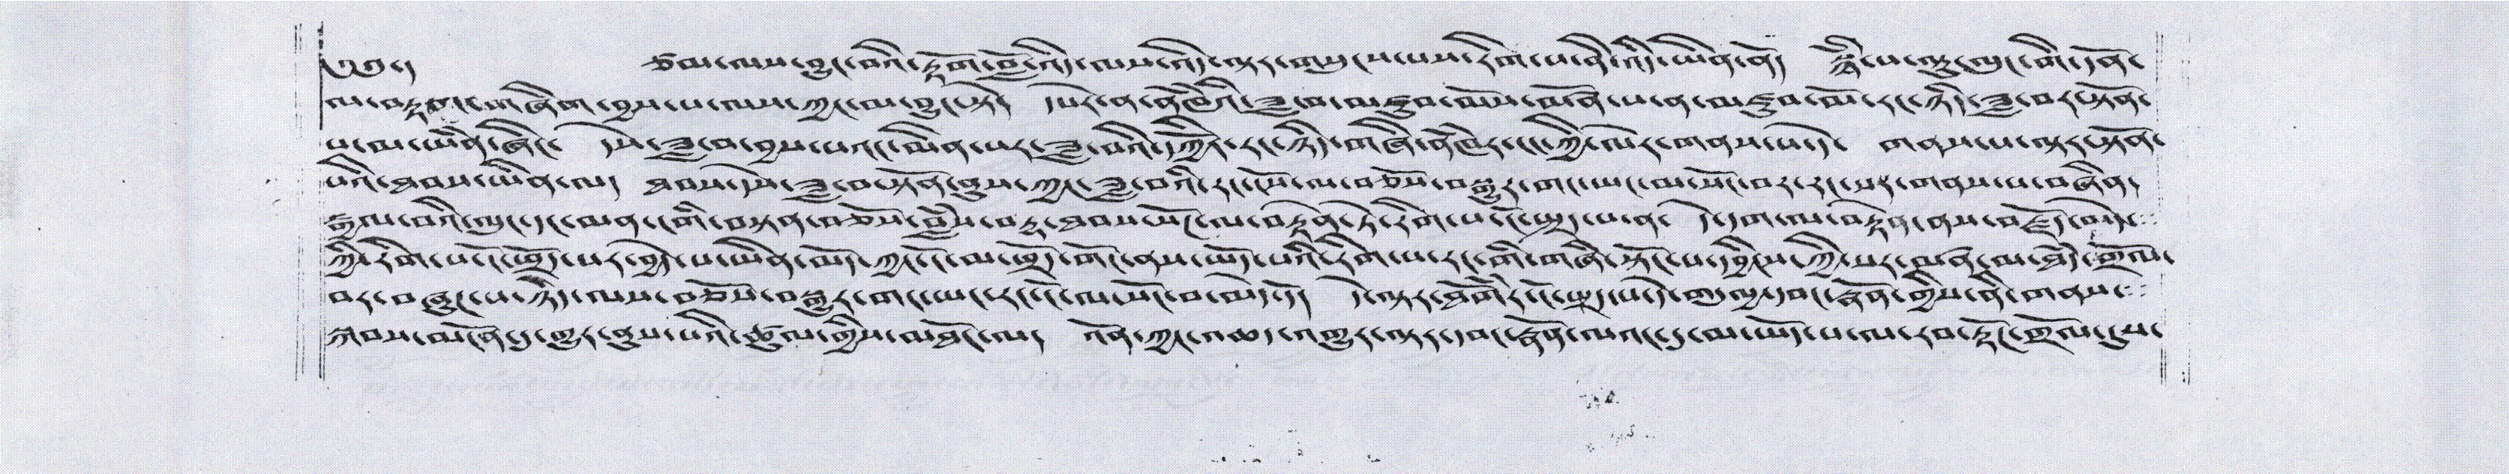ཙམ་ལས་བྱུང་བའི་རྟོག་བློ་འདི་ལས་འདི་ལྟར་གསུངས་པས་རིག་པ་ནི་འདི་ཡིན་ནོ། སྙམ་པ་ལྟ་བུ་ལུང་གི་དོན་
ལ་བརྟག་གཞིག་བྱས་པ་ལས་ཀྱང་མ་བྱུང་སྟེ། དཔེར་ན་ནམ་མཁའི་ཟླ་བ་མཛུབ་མོས་མཚོན་པ་ན་མཛུབ་མོ་རང་ཉིད་ཟླ་བར་སྟོན་
པ་མ་ཡིན་ཞིང་། དེས་ཟླ་བ་བྱས་པའང་མིན་པར་ཟླ་བའི་དཀྱིལ་འཁོར་རང་ཉིད་གཞི་ནམ་མཁར་ངང་ཀྱི་ལེར་གནས་པ་དེ། གནས་པ་ལྟར་སྟོན་
པའི་ཐབས་ཡིན་ལ། ཐབས་དེས་ཟླ་བ་སྟོན་ནུས་ཀྱང་ཟླ་བའི་རང་ངོས་ལ་བཅོས་སྒྱུར་གང་ཡང་མ་སོང་བར་རང་སར་གནས་པ་བཞིན་
རྒྱལ་བའི་ལུང་དང་མན་ངག་གི་བསྟན་བཅོས་བླ་མས་བརྡ་ཐབས་སོགས་ལ་བརྟེན་ཏེ་རིག་པ་ངོ་སྤྲད་པ་ན། དེ་དག་ལ་བརྟེན་ནས་བརྗོད་མེད་
ཀྱི་རིག་པ་ངོ་སྤྲོད་པར་བྱེད་པ་ཡིན་མོད་ཀྱང་ངོ་མ་སྤྲད་གོང་ནས་ཡོད་པའི་རིག་པ་རང་གི་གཞི་དབྱིངས་ཀྱི་བར་མཚན་མ་ཐམས་ཅད་གྲོལ་
བར་བཞུགས་པ་ཉིད་ལས་བཅོས་སྒྱུར་གང་ཡང་རང་ངོ་ལ་སོང་བ་མེད་དོ། དེ་ལྟར་ཐོག་མར་ངོ་སྤྲད་པ་དེ་གདུལ་བྱ་དབང་རྣོན་གྱིས་ནི་གནས་
སྐབས་མངོན་དུ་གྱུར་ནུས་པའི་ཚུལ་གྱིས་མཐོང་ལ། འོན་ཀྱང་འཆད་འགྱུར་ལྟར་དབང་རྣོན་ལའང་དུ་མ་ཡོད་པ་ལ་རབ་རྟོགས་གྲོལ་དུས་